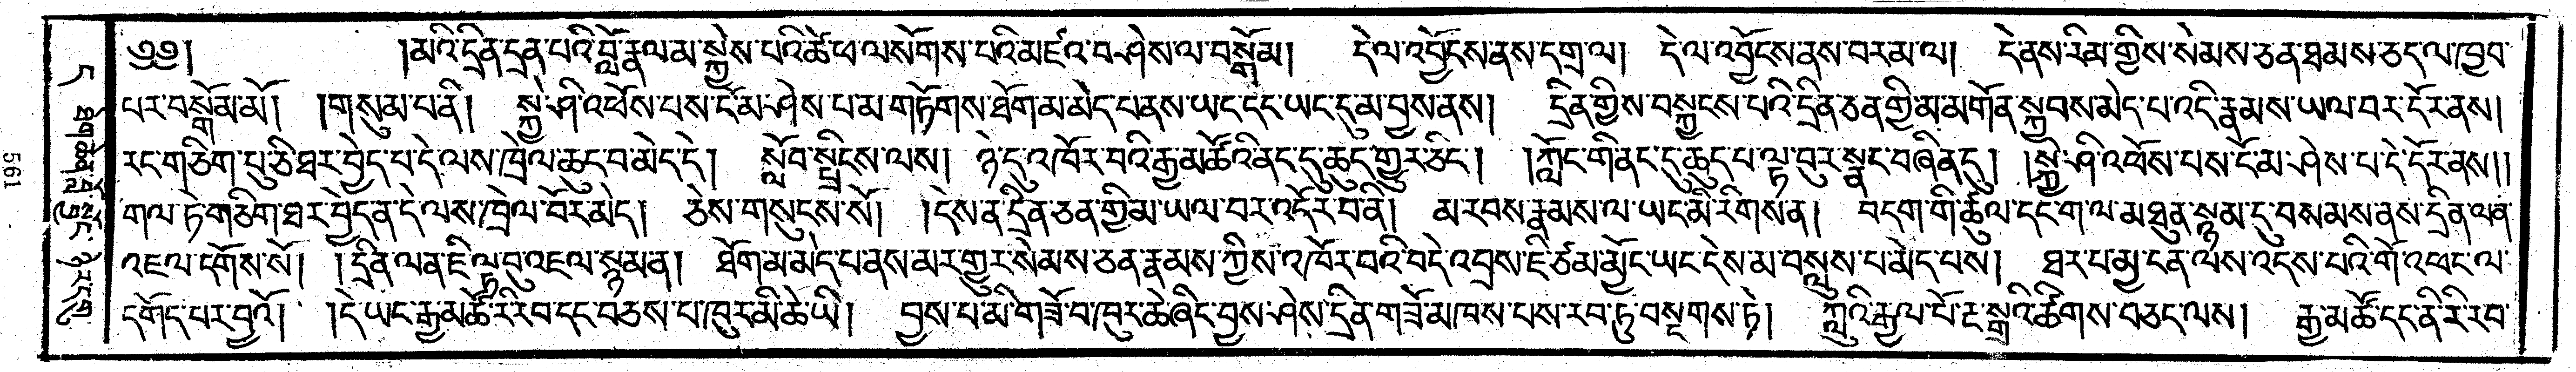༄༅། །མའི་དྲིན་དྲན་པའི་བློ་རྣལ་མ་སྐྱེས་པའི་ཚེ་ཕ་ལ་སོགས་པའི་མཛའ་བཤེས་ལ་བསྒོམ། དེ་ལ་འབྱོངས་ནས་དགྲ་ལ། དེ་ལ་འབྱོངས་ནས་བར་མ་ལ། དེ་ནས་རིམ་གྱིས་སེམས་ཅན་ཐམས་ཅད་ལ་ཁྱབ་
པར་བསྒོམ་མོ། །གསུམ་པ་ནི། སྐྱེ་ཤི་འཕོས་པས་ངོ་མ་ཤེས་པ་མ་གཏོགས་ཐོག་མ་མེད་པ་ནས་ཡང་དང་ཡང་དུ་མ་བྱས་ནས། དྲིན་གྱིས་བསྐྱངས་པའི་དྲིན་ཅན་གྱི་མ་མགོན་སྐྱབས་མེད་པ་འདི་རྣམས་ཡལ་བར་དོར་ནས།
རང་གཅིག་པུ་ཅི་ཐར་བྱེད་པ་དེ་ལས་ཁྲེལ་ཆུང་བ་མེད་དེ། སློབ་སྤྲིངས་ལས། ཉེ་དུ་འཁོར་བའི་རྒྱ་མཚོའི་ནང་དུ་ཆུད་གྱུར་ཅིང་། །ཀློང་གི་ནང་དུ་ཆུད་པ་ལྟ་བུར་སྣང་བཞིན་དུ། །སྐྱེ་ཤི་འཕོས་པས་ངོ་མ་ཤེས་པ་དེ་དོར་ནས། །
གལ་ཏེ་གཅིག་ཐར་བྱེད་ན་དེ་ལས་ཁྲེལ་བོར་མེད། ཅེས་གསུངས་སོ། །དེས་ན་དྲིན་ཅན་གྱི་མ་ཡལ་བར་འདོར་བ་ནི། མ་རབས་རྣམས་ལ་ཡང་མི་རིགས་ན། བདག་གི་ཚུལ་དང་ག་ལ་མཐུན་སྙམ་དུ་བསམས་ནས་དྲིན་ལན་
འཇལ་དགོས་སོ། །དྲིན་ལན་ཇི་ལྟ་བུ་འཇལ་སྙམ་ན། ཐོག་མ་མེད་པ་ནས་མར་གྱུར་སེམས་ཅན་རྣམས་ཀྱིས་འཁོར་བའི་བདེ་འབྲས་ཇི་ཙམ་མྱོང་ཡང་དེས་མ་བསླུས་པ་མེད་པས། ཐར་པ་མྱ་ངན་ལས་འདས་པའི་གོ་འཕང་ལ་
དགོད་པར་བྱའོ། །དེ་ཡང་རྒྱ་མཚོ་རི་རབ་དང་བཅས་པ་ཁུར་མི་ཆེ་ཡི། བྱས་པ་མི་གཟོ་བ་ཁུར་ཆེ་ཞིང་བྱས་ཤེས་དྲིན་གཟོ་མཁས་པས་རབ་ཏུ་བསྔགས་ཏེ། ཀླུའི་རྒྱལ་པོ་རྔ་སྒྲའི་ཚིགས་བཅད་ལས། རྒྱ་མཚོ་དང་ནི་རི་རབ་